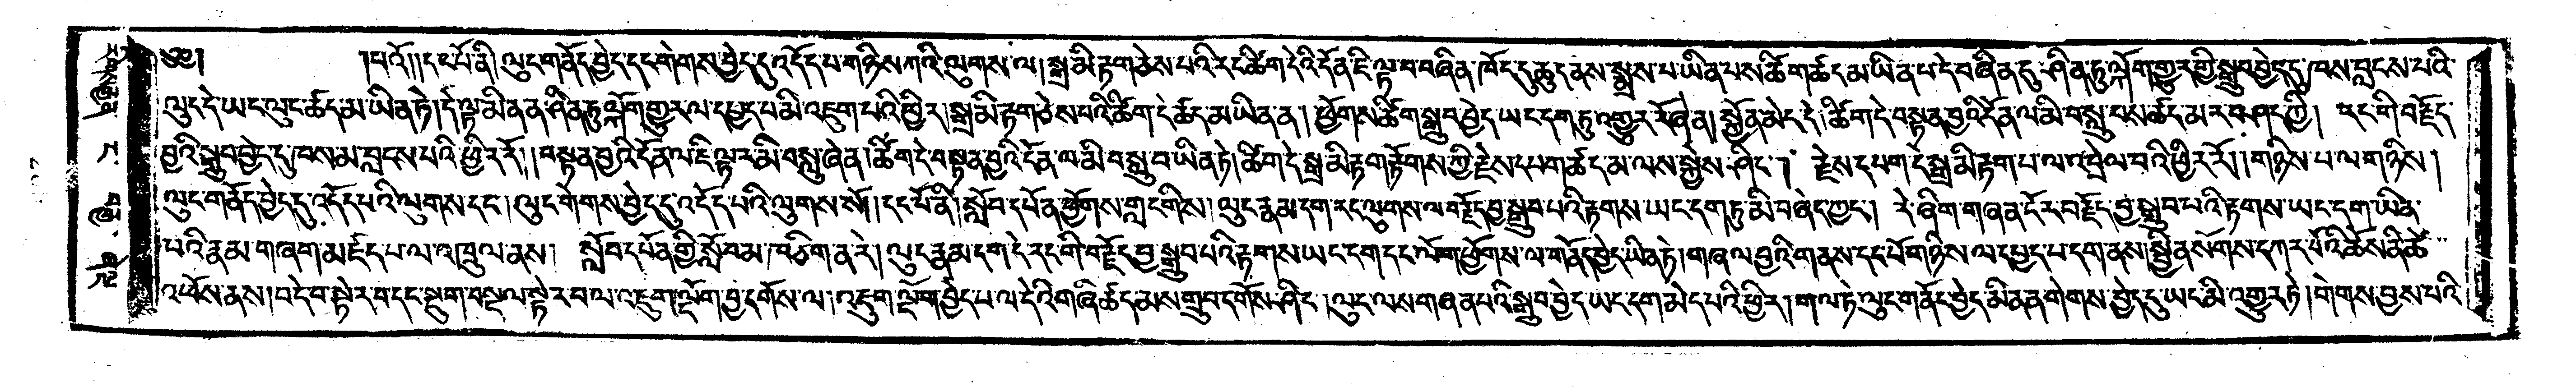༄༅། །པའོ། །དང་པོ་ནི། ལུང་གནོད་བྱེད་དང་གེགས་བྱེད་དུ་འདོད་པ་གཉིས་ཀའི་ལུགས་ལ། སྒྲ་མི་རྟག་ཅེས་པའི་རང་ཚིག་དེའི་དོན་ཇི་ལྟ་བ་བཞིན་ཁོང་དུ་ཆུད་ནས་སྨྲས་པ་ཡིན་པས་ཚིག་ཚད་མ་ཡིན་པ་དེ་བཞིན་དུ་ཤིན་ཏུ་ལྐོག་གྱུར་གྱི་སྒྲུབ་བྱེད་དུ་ཁས་བླངས་པའི་
ལུང་དེ་ཡང་ལུང་ཚད་མ་ཡིན་ཏེ། དེ་ལྟ་མིན་ན་ཤིན་ཏུ་ལྐོག་གྱུར་ལ་དཔྱད་པ་མི་འཇུག་པའི་ཕྱིར། སྒྲ་མི་རྟག་ཅེས་པའི་ཚིག་དེ་ཚད་མ་ཡིན་ན། ཕྱོགས་ཚིག་སྒྲུབ་བྱེད་ཡང་དག་ཏུ་འགྱུར་རོ་ཞེ་ན། སྐྱོན་མེད་དེ། ཚིག་དེ་བསྟན་བྱའི་དོན་ལ་མི་བསླུ་བས་ཚད་མར་བཤད་ཀྱི། རང་གི་བརྗོད་
བྱའི་སྒྲུབ་བྱེད་དུ་ཁས་མ་བླངས་པའི་ཕྱིར་རོ། །བསྟན་བྱའི་དོན་ལ་ཇི་ལྟར་མི་བསླུ་ཞེ་ན། ཚིག་དེ་བསྟན་བྱའི་དོན་ལ་མི་བསླུ་བ་ཡིན་ཏེ། ཚིག་དེ་སྒྲ་མི་རྟག་རྟོགས་ཀྱི་རྗེས་དཔག་ཚད་མ་ལས་སྐྱེས་ཤིང་། རྗེས་དཔག་དེ་སྒྲ་མི་རྟག་པ་ལ་འབྲེལ་བའི་ཕྱིར་རོ། །གཉིས་པ་ལ་གཉིས།
ལུང་གནོད་བྱེད་དུ་འདོད་པའི་ལུགས་དང་། ལུང་གེགས་བྱེད་དུ་འདོད་པའི་ལུགས་སོ། །དང་པོ་ནི། སློབ་དཔོན་ཕྱོགས་གླང་གིས། ལུང་རྣམ་དག་རང་ལུགས་ལ་བརྗོད་བྱ་སྒྲུབ་པའི་རྟགས་ཡང་དག་ཏུ་མི་བཞེད་ཀྱང་། རེ་ཞིག་གཞན་ངོར་བརྗོད་བྱ་སྒྲུབ་པའི་རྟགས་ཡང་དག་ཡིན་
པའི་རྣམ་གཞག་མཛད་པ་ལ་འཁྲུལ་ནས། སློབ་དཔོན་གྱི་སློབ་མ་ཁ་ཅིག་ན་རེ། ལུང་རྣམ་དག་དེ་རང་གི་བརྗོད་བྱ་སྒྲུབ་པའི་རྟགས་ཡང་དག་དང་ལོག་ཕྱོགས་ལ་གནོད་བྱེད་ཡིན་ཏེ། གཞལ་བྱའི་གནས་དང་པོ་གཉིས་ལ་དཔྱད་པ་དག་ནས། སྦྱིན་སོགས་དཀར་པོའི་ཆོས་ནི་ཚེ་
འཕོས་ནས། བདེ་བ་སྟེར་བ་དང་སྡུག་བསྔལ་སྟེར་བ་ལ་འཇུག་ལྡོག་བྱ་དོགས་ལ། འཇུག་ལྡོག་བྱེད་པ་ལ་དེའི་གཞི་ཚད་མས་གྲུབ་དགོས་ཤིང་། ལུང་ལས་གཞན་པའི་སྒྲུབ་བྱེད་ཡང་དག་མེད་པའི་ཕྱིར། གལ་ཏེ་ལུང་གནོད་བྱེད་མིན་ན་གེགས་བྱེད་དུ་ཡང་མི་འགྱུར་ཏེ། གེགས་བྱས་པའི་